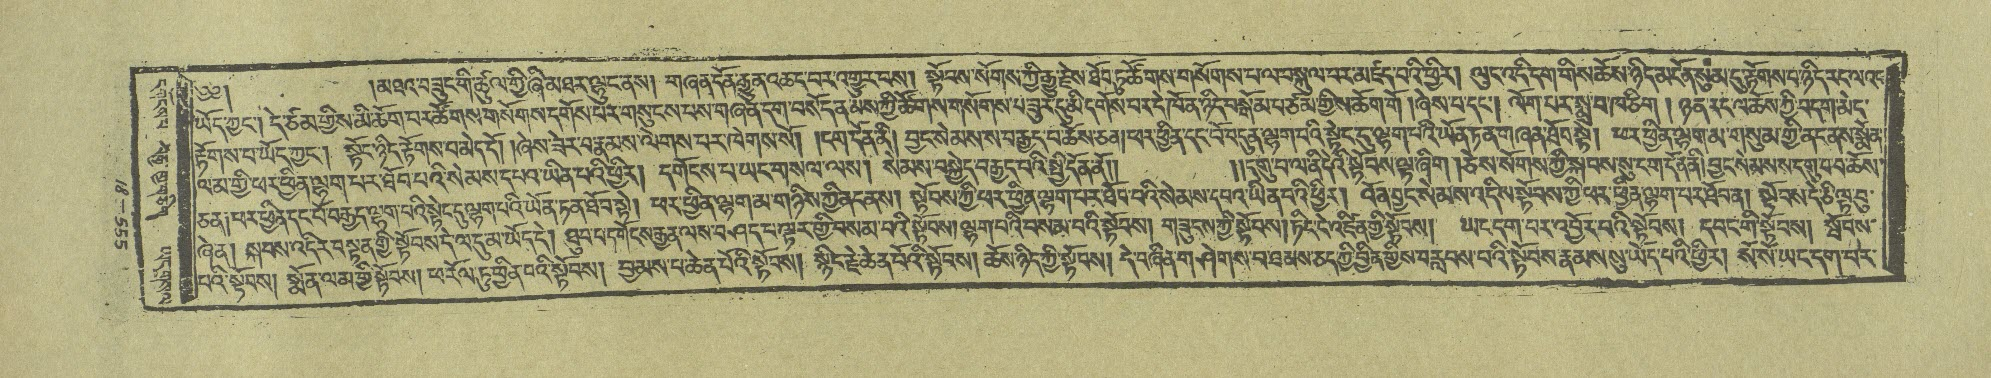༄༅། །མཐའ་བཟུང་གི་ཚུལ་གྱི་ཞི་མཐར་ལྷུང་ནས། གཞན་དོན་རྒྱུན་འཆད་པར་འགྱུར་བས། སྟོབས་སོགས་ཀྱི་རྒྱུ་རྗེས་ཐོབ་ཏུ་ཚོགས་གསོགས་པ་ལ་བསྐུལ་བར་མཛད་པའི་ཕྱིར། ལུང་འདི་དག་གིས་ཆོས་ཉིད་མངོན་སུམ་དུ་རྟོགས་པ་ཉིད་རང་ལའང་
ཡོད་ཀྱང་། དེ་ཙམ་གྱིས་མི་ཆོག་པར་ཚོགས་གསོགས་དགོས་པར་གསུངས་པས་གཞན་དག་བསོད་ནམས་ཀྱི་ཚོགས་གསོགས་པ་ཟུར་དུ་མི་དགོས་པར་དེ་ཁོ་ན་ཉིད་བསྒོམ་པ་ཙམ་གྱིས་ཆོག་གོ །ཞེས་པ་དང་། ལོག་པར་སྨྲ་བ་ཁ་ཅིག །ཉན་རང་ལ་ཆོས་ཀྱི་བདག་མེད་
རྟོགས་པ་ཡོད་ཀྱང་། སྟོང་ཉིད་རྟོགས་པ་མེད་དོ། །ཞེས་ཟེར་བ་རྣམས་ལེགས་པར་ཁེགས་སོ། །ངག་དོན་ནི། བྱང་སེམས་ས་བརྒྱད་པ་ཆོས་ཅན། ཕར་ཕྱིན་དང་པོ་བདུན་ལྷག་པའི་སྟེང་དུ་ལྷག་པའི་ཡོན་ཏན་གཞན་ཐོབ་སྟེ། ཕར་ཕྱིན་ལྷག་མ་གསུམ་གྱི་ནང་ནས་སྨོན་
ལམ་གྱི་ཕར་ཕྱིན་ལྷག་པར་ཐོབ་པའི་སེམས་དཔའ་ཡིན་པའི་ཕྱིར། དགོངས་པ་ཡང་གསལ་ལས། སེམས་བསྐྱེད་བརྒྱད་པའི་སྤྱི་དོན་ནོ།། །།དགུ་པ་ལ་ནི་དེའི་སྟོབས་ལྟ་ཞིག །ཅེས་སོགས་ཀྱི་སྐབས་སུ་ངག་དོན་ནི། བྱང་སེམས་ས་དགུ་པ་བ་ཆོས་
ཅན། ཕར་ཕྱིན་དང་པོ་བརྒྱད་ལྷག་པའི་སྟེང་དུ་ལྷག་པའི་ཡོན་ཏན་ཐོབ་སྟེ། ཕར་ཕྱིན་ལྷག་མ་གཉིས་ཀྱི་ནང་ནས། སྟོབས་ཀྱི་ཕར་ཕྱིན་ལྷག་པར་ཐོབ་པའི་སེམས་དཔའ་ཡིན་པའི་ཕྱིར། འོ་ན་བྱང་སེམས་འདིས་སྟོབས་ཀྱི་ཕར་ཕྱིན་ལྷག་པར་ཐོབ་ན། སྟོབས་དེ་ཅི་ལྟ་བུ་
ཞེ་ན། སྐབས་འདིར་བསྟན་གྱི་སྟོབས་དེ་ལ་དུ་མ་ཡོད་དེ། ཐུབ་པ་དགོངས་རྒྱན་ལས་བཤད་པ་ལྟར་གྱི་བསམ་པའི་སྟོབས། ལྷག་པའི་བསམ་པའི་སྟོབས། གཟུངས་ཀྱི་སྟོབས། ཏིང་ངེ་འཛིན་གྱི་སྟོབས། ཡང་དག་པར་འབྱོར་པའི་སྟོབས། དབང་གི་སྟོབས། སྤོབས་
པའི་སྟོབས། སྨོན་ལམ་གྱི་སྟོབས། ཕ་རོལ་ཏུ་ཕྱིན་པའི་སྟོབས། བྱམས་པ་ཆེན་པོའི་སྟོབས། སྙིང་རྗེ་ཆེན་པོའི་སྟོབས། སྙིང་རྗེ་ཆེན་པོའི་སྟོབས། ཆོས་ཉིད་ཀྱི་སྟོབས། དེ་བཞིན་གཤེགས་པ་ཐམས་ཅད་ཀྱི་བྱིན་གྱིས་བརླབས་པའི་སྟོབས་རྣམས་སུ་ཡོད་པའི་ཕྱིར། སོ་སོ་ཡང་དག་པར་